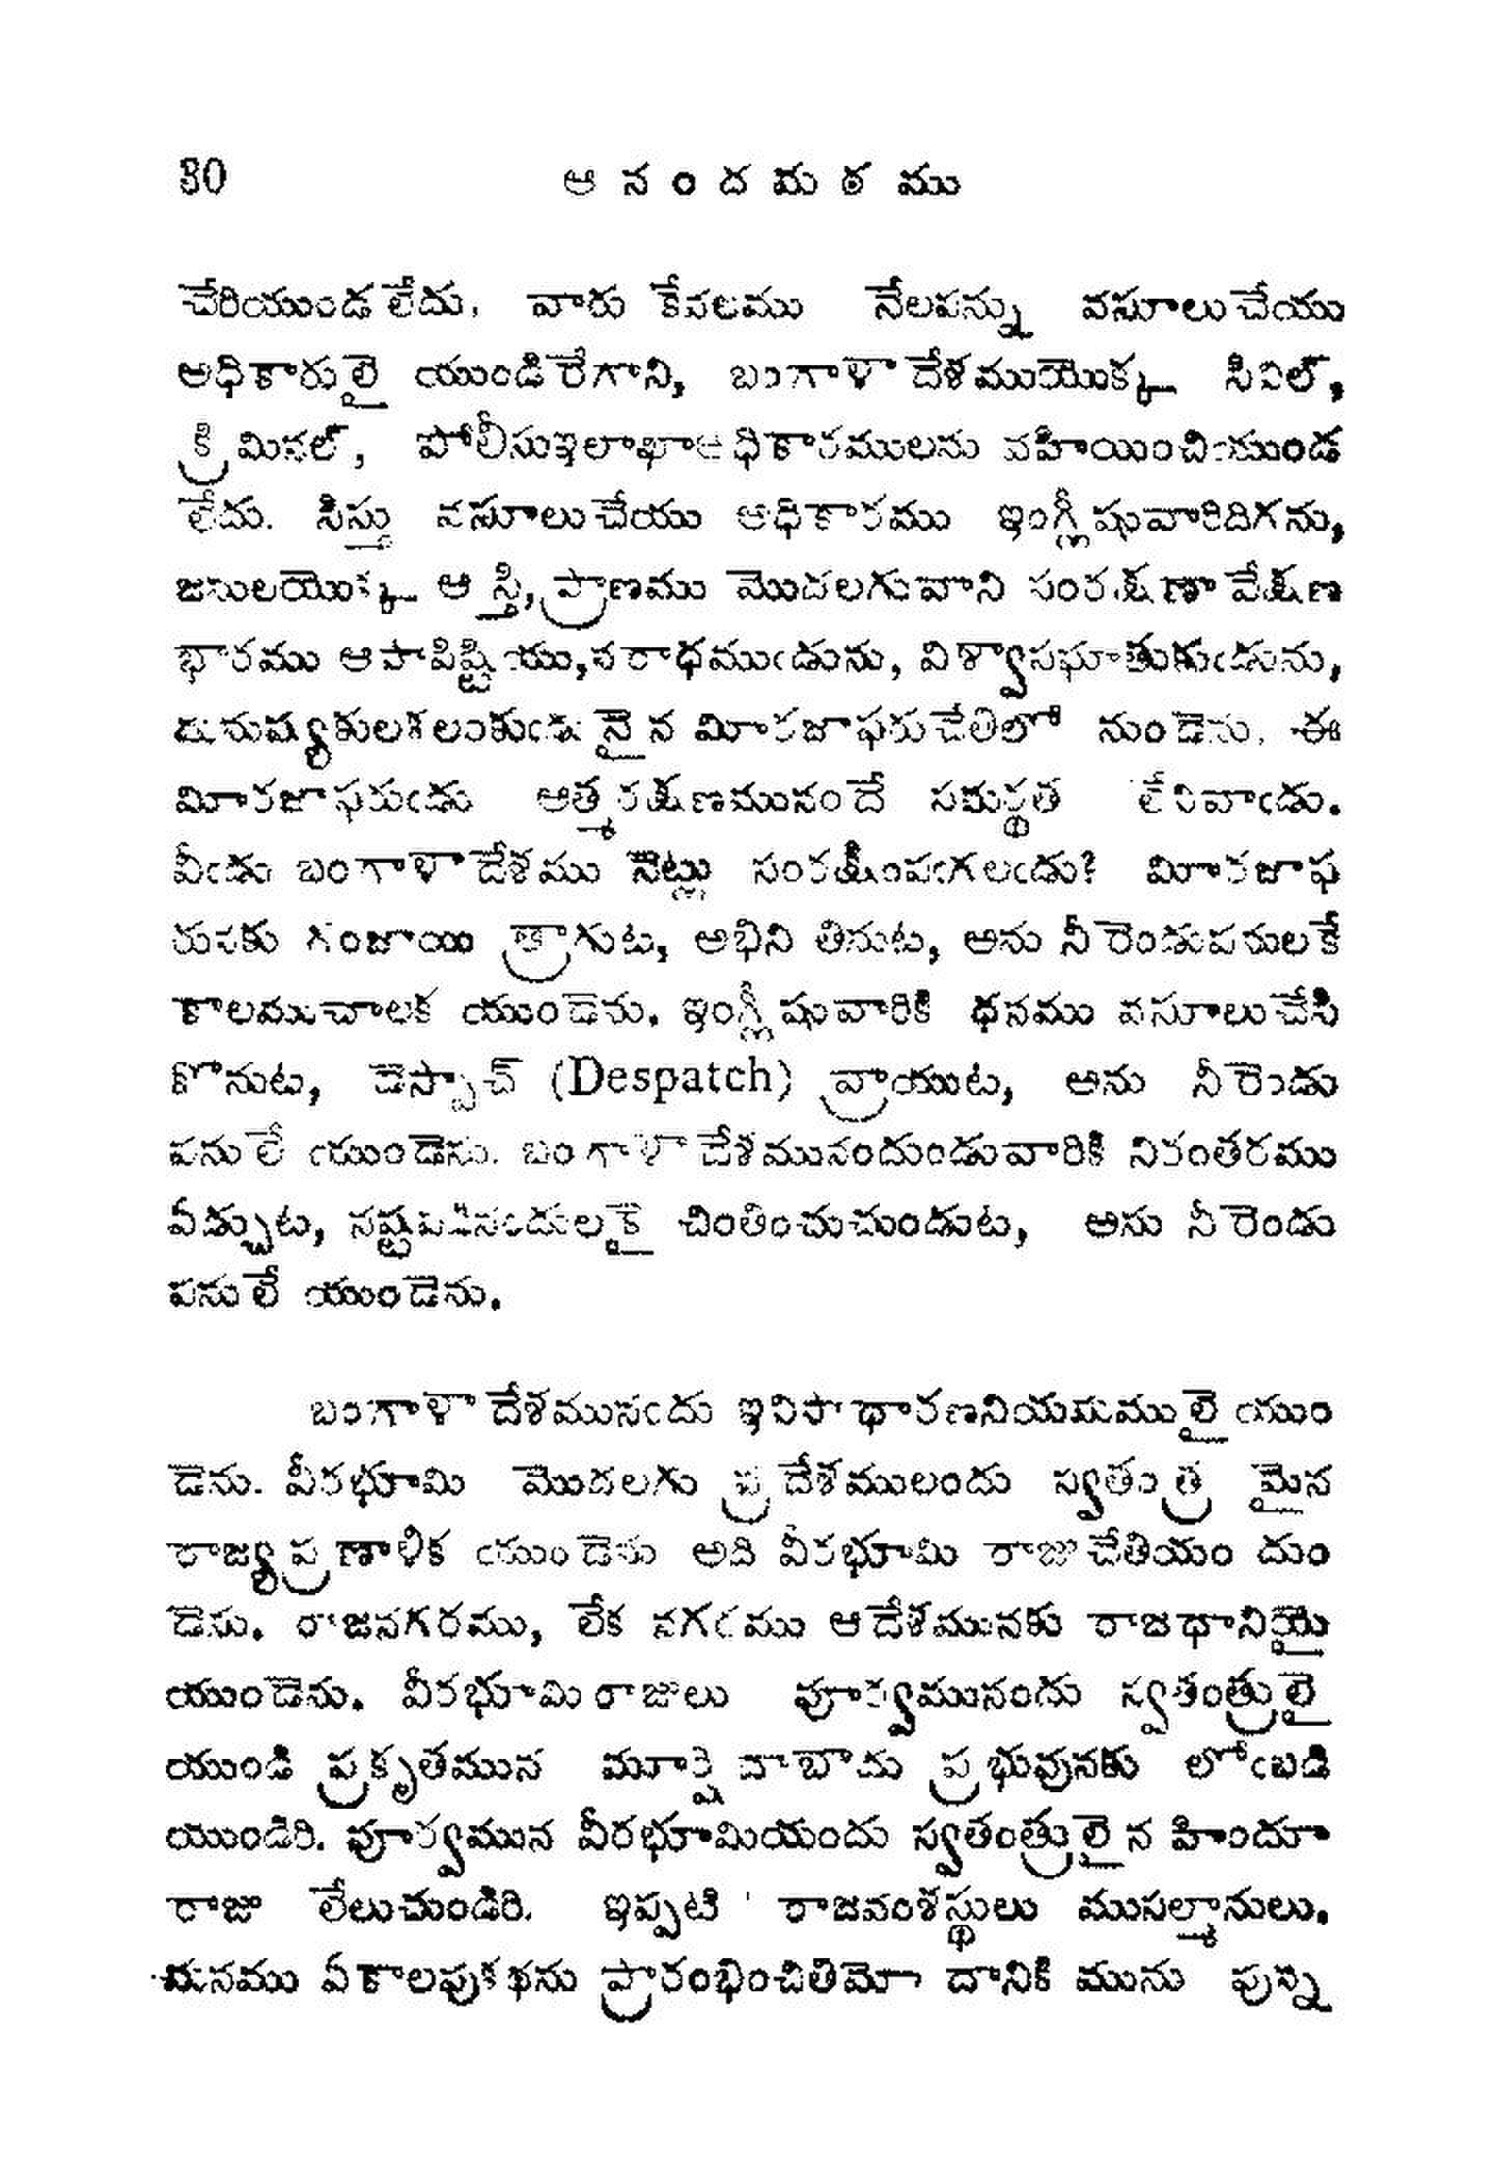చేరియుండ లేదు, వారు కేవలము నేలపన్ను వసూలు చేయు అధికారులై యుండిరేగాని, బంగాళా దేశముయొక్క సివిల్, క్రిమినల్, పోలీసు ఇలాఖా అధికారములను వహియించి యుండలేదు. సిస్తు వసూలు చేయు అధికారము ఇంగ్లీషు వారిదిగను, జనులయొక్క ఆస్తి, ప్రాణము మొదలగు వాని సంరక్షణా వేక్షణ భారము ఆ పాపిష్టియు, నరాధముఁడును, విశ్వాసఘాతుకుఁడును, మనుష్యకులకలంకుఁడు నైన మీరజాఫరు చేతిలో నుండెను, ఈ మీరజాఫరుఁడు ఆత్మరక్షణమునందే సమర్దత లేనివాఁడు. వీఁడు బంగాళా దేశము నెట్లు సంరక్షింపఁ గలఁడు? మీరజాఫరునకు గంజాయి తాగుట, అభిని తినుట, అను నీ రెండు పనులకే కాలము చాలక యుండెను, ఇంగ్లీషు వారికి ధనము వసూలు చేసి కొనుట, డెస్చాచ్ (Despatch) వ్రాయుట, అను నీ రెండు పనులే యుండెను. బంగాళా దేశము నందుండు వారికి నిరంతరము ఏడ్చుట, నష్టపడినందులకై చింతించుచుండుట, అను నీ రెండు పనులే యుండెను.

బంగాళా దేశమునందు ఇవిసాధారణనియమములై యుండెను. వీరభూమి మొదలగు ప్రదేశములందు స్వతంత్రమైన రాజ్య ప్రణాళిక యుండెను అది వీరభూమి రాజు చేతియం దుండెను. రాజనగరము, లేక నగరము ఆ దేశమునకు రాజధానియై యుండెను. వీరభూమి రాజులు పూర్వమునందు స్వతంత్రులై యుండి ప్రకృతమున మూర్షిదాబాదు ప్రభువునకు లోఁబడియుండిరి. పూర్వమున వీరభూమియందు స్వతంత్రులైన హిందూ రాజు లేలుచుండిరి. ఇప్పటి రాజవంశస్థులు ముసల్మానులు, మనము ఏకాలపుకధను ప్రారంభించితిమో దానికి మునుపున్న